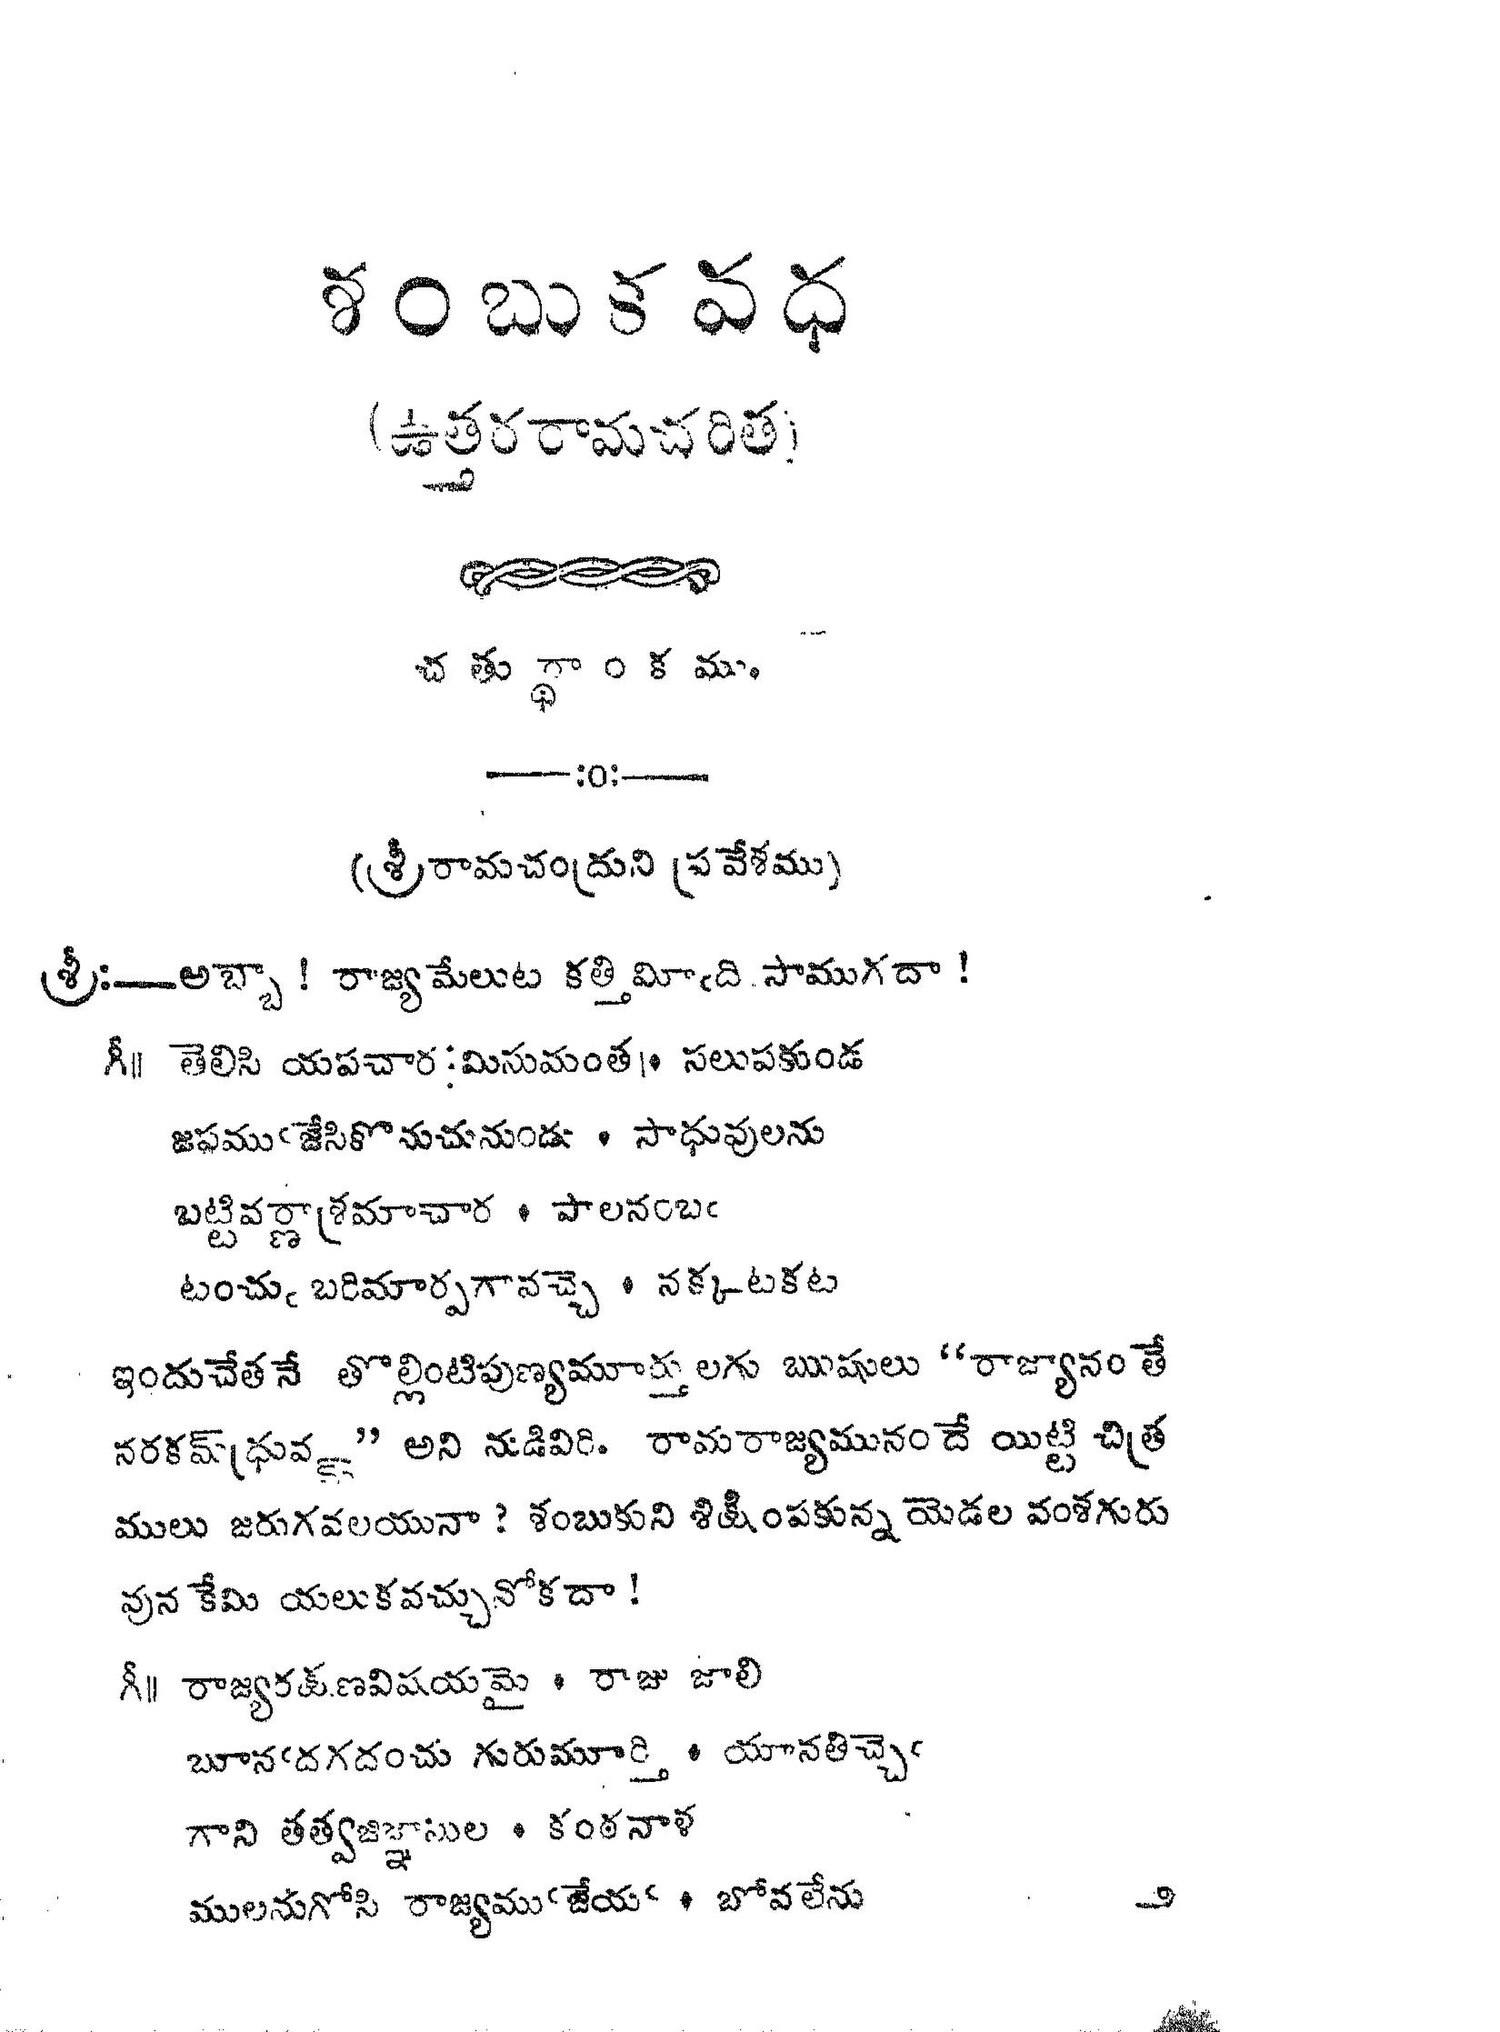శ్రీ:- అబ్బా ! రాజ్య మేలుట కత్తి మీది. సాముగదా !

గీ|| తెలిసి యపచార : మిసుమంత , సలుపకుండ
 జపముఁ జేసికొనుచు నుండు' • సాధువులను
 బట్టి వర్ణాశ్రమాచార • పాలనంబఁ
 టంచు బరిమార్పగా నచ్చే • నక్కటకట

 ఇందుచేత నే తొల్లింటి పుణ్యమూర్తు లగు ఋషులు “రాజ్యానం తే
 నరకమ్ ధ్రువ..” అని నుడివిరి. రామరాజ్యమునం దే యిట్టి చిత్ర
 ములు జరుగవలయునా ! శంబుకుని శిక్షింపకున్న యెడల వంశగురు
 వున కేమి యలుకవచ్చునోకదా !

 రాజ్యరక్షణ విషయమై రాజు జాలి
 బూనఁదగదంచు గురుమూర్తి యానతిచ్చె
 తత్వజిజ్ఞాసుల కంఠనాళ
 ములనుగోసి రాజ్యముఁ జేయఁ బోవ లేను ....2 
"